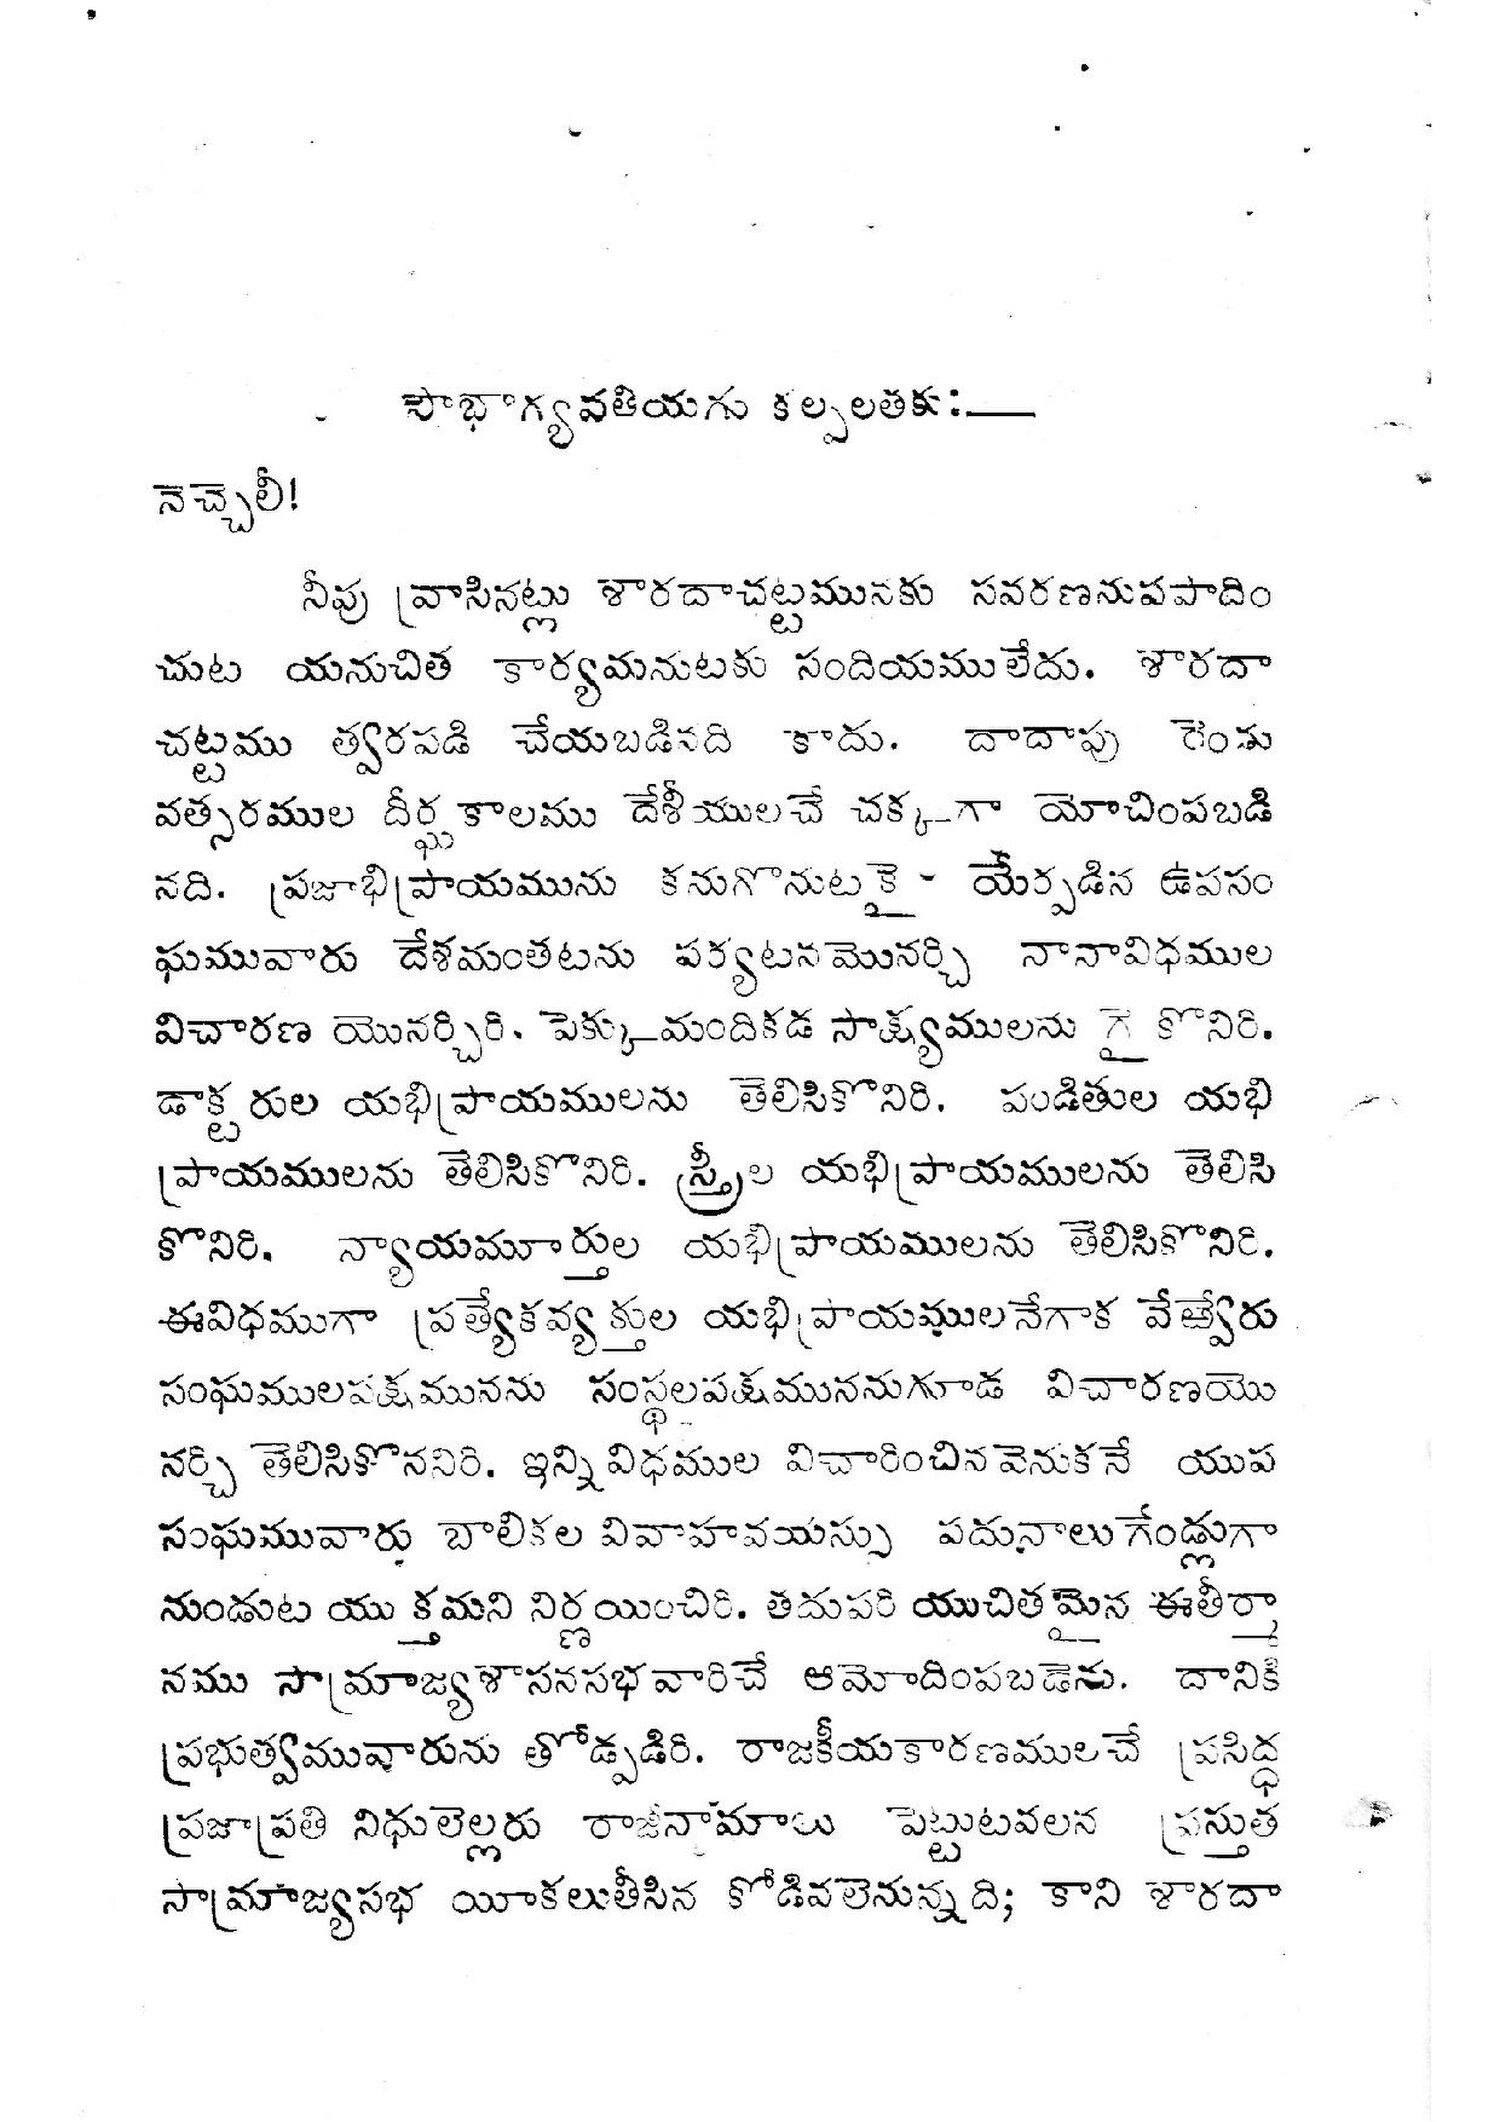నెచ్చెలీ!

నీవు వ్రాసినట్లు శారదాచట్టమునకు సవరణనుపపాదించుట యనుచిత కార్యమనుటకు సందియములేదు. శారదాచట్టము త్వరపడి చేయబడినది కాదు. దాదాపు రెండువత్సరముల దీర్ఘకాలము దేశీయులచే చక్కగా యోచింపబడినది. ప్రజాభిప్రాయమును కనుగొనుటకై యేర్పడిన ఉపసంఘమువారు దేశమంతటను పర్యటనమొనర్చి నానావిధముల విచారణ యొనర్చిరి. పెక్కుమందికడ సాక్ష్యములను గైకొనిరి. డాక్టరుల యభిప్రాయములను తెలిసికొనిరి. పండితుల యభిప్రాయములను తెలిసికొనిరి. స్త్రీల యభిప్రాయములను తెలిసికొనిరి. న్యాయమూర్తుల యభిప్రాయములను తెలిసికొనిరి. ఈవిధముగా ప్రత్యేకవ్యక్తుల యభిప్రాయములనేగాక వేఱ్వేరు సంఘములపక్షమునను సంస్థలపక్షముననుగూడ విచారణయొనర్చి తెలిసికొననిరి. ఇన్నివిధముల విచారించినవెనుకనే యుపసంఘమువారు బాలికల వివాహవయస్సు పదునాలుగేండ్లుగా నుండుట యుక్తమని నిర్ణయించిరి. తదుపరి యుచితమైన ఈతీర్మానము సామ్రాజ్యశాసనసభవారిచే ఆమోదింపబడెను. దానికి ప్రభుత్వమువారును తోడ్పడిరి. రాజకీయకారణములచే ప్రసిద్ధ ప్రజాప్రతినిధులెల్లరు రాజీనామాలు పెట్టుటవలన ప్రస్తుత సామ్రాజ్యసభ యీకలుతీసిన కోడివలెనున్నది; కాని శారదా